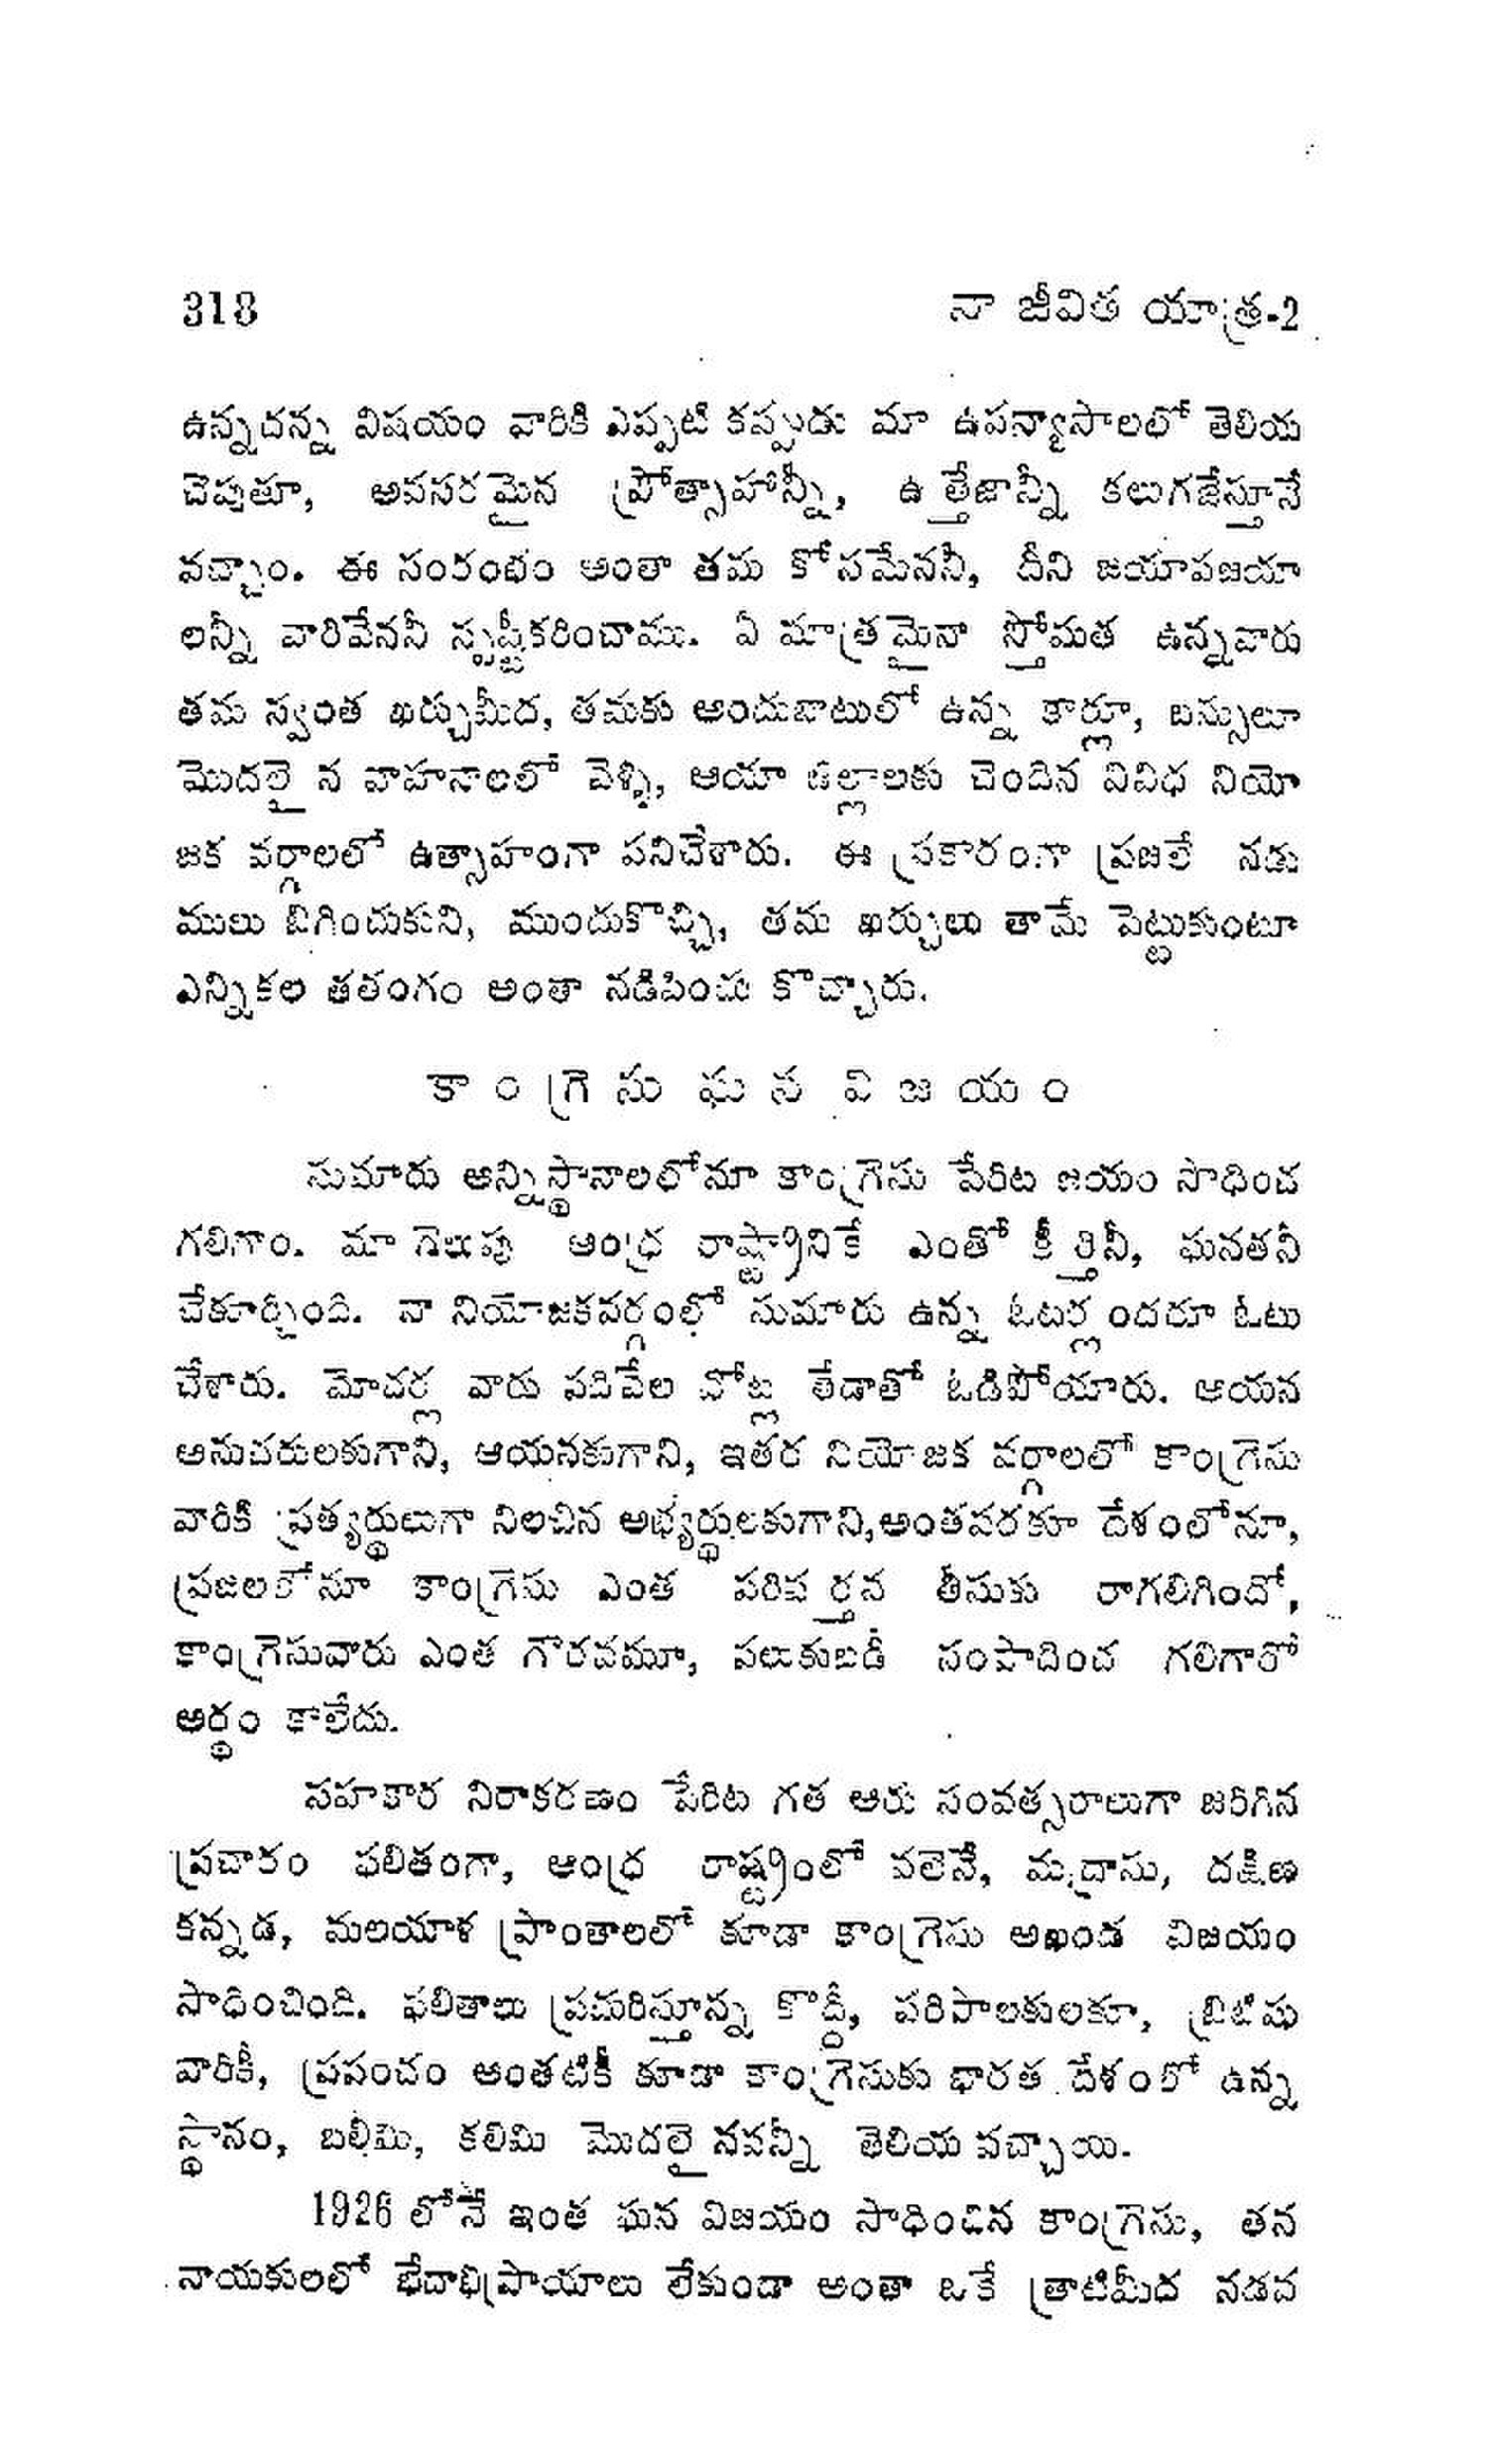ఉన్నదన్న విషయం వారికి ఎప్పటి కప్పుడు మా ఉపన్యాసాలలో తెలియచెపుతూ, అవసరమైన ప్రోత్సాహాన్నీ, ఉత్తేజాన్నీ కలుగజేస్తూనే వచ్చాం. ఈ సంరంభం అంతా తమ కోసమేననీ, దీని జయాపజయాలన్నీ వారివేననీ స్పష్టీకరించాము. ఏ మాత్రమైనా స్తోమత ఉన్నవారు తమ స్వంత ఖర్చుమీద, తమకు అందుబాటులో ఉన్న కార్లూ, బస్సులూ మొదలైన వాహనాలలో వెళ్ళి, ఆయా జిల్లాలకు చెందిన వివిధ నియోజక వర్గాలలో ఉత్సాహంగా పనిచేశారు. ఈ ప్రకారంగా ప్రజలే నడుములు బిగించుకుని, ముందుకొచ్చి, తమ ఖర్చులు తామే పెట్టుకుంటూ ఎన్నికల తతంగం అంతా నడిపించు కొచ్చారు.

సుమారు అన్నిస్థానాలలోనూ కాంగ్రెసు పేరిట జయం సాధించ గలిగాం. మా గెలుపు ఆంధ్ర రాష్ట్రానికే ఎంతో కీర్తినీ, ఘనతనీ చేకూర్చింది. నా నియోజకవర్గంలో సుమారు ఉన్న ఓటర్లందరూ ఓటు చేశారు. మోచర్ల వారు పదివేల వోట్ల తేడాతో ఓడిపోయారు. ఆయన అనుచరులకుగాని, ఆయనకుగాని, ఇతర నియోజక వర్గాలలో కాంగ్రెసు వారికి ప్రత్యర్థులుగా నిలచిన అభ్యర్థులకుగాని, అంతవరకూ దేశంలోనూ, ప్రజలలోనూ కాంగ్రెసు ఎంత పరివర్తన తీసుకు రాగలిగిందో, కాంగ్రెసువారు ఎంత గౌరవమూ, పలుకుబడీ సంపాదించ గలిగారో అర్థం కాలేదు.

సహకార నిరాకరణ పేరిట గత ఆరు సంవత్సరాలుగా జరిగిన ప్రచారం పలితంగా, ఆంధ్ర రాష్ట్రంలో వలెనే, మద్రాసు, దక్షిణ కన్నడ, మలయాళ ప్రాంతాలలో కూడా అఖండ విజయం సాధించింది. ఫలితాలు ప్రచురిస్తూన్న కొద్దీ, పరిపాలకులకూ, బ్రిటిషు వారికీ, ప్రపంచం అంతటికీ కూడా కాంగ్రెసుకు భారత దేశంలో ఉన్న స్థానం, బలిమి, కలిమి మొదలైనవన్నీ తెలియవచ్చాయి.

1926 లోనే ఇంత ఘన విజయం సాధించిన కాంగ్రెసు, తన నాయకులలో భేదాభిప్రాయాలు లేకుండా అంతా ఒకే త్రాటిమీద నడవ